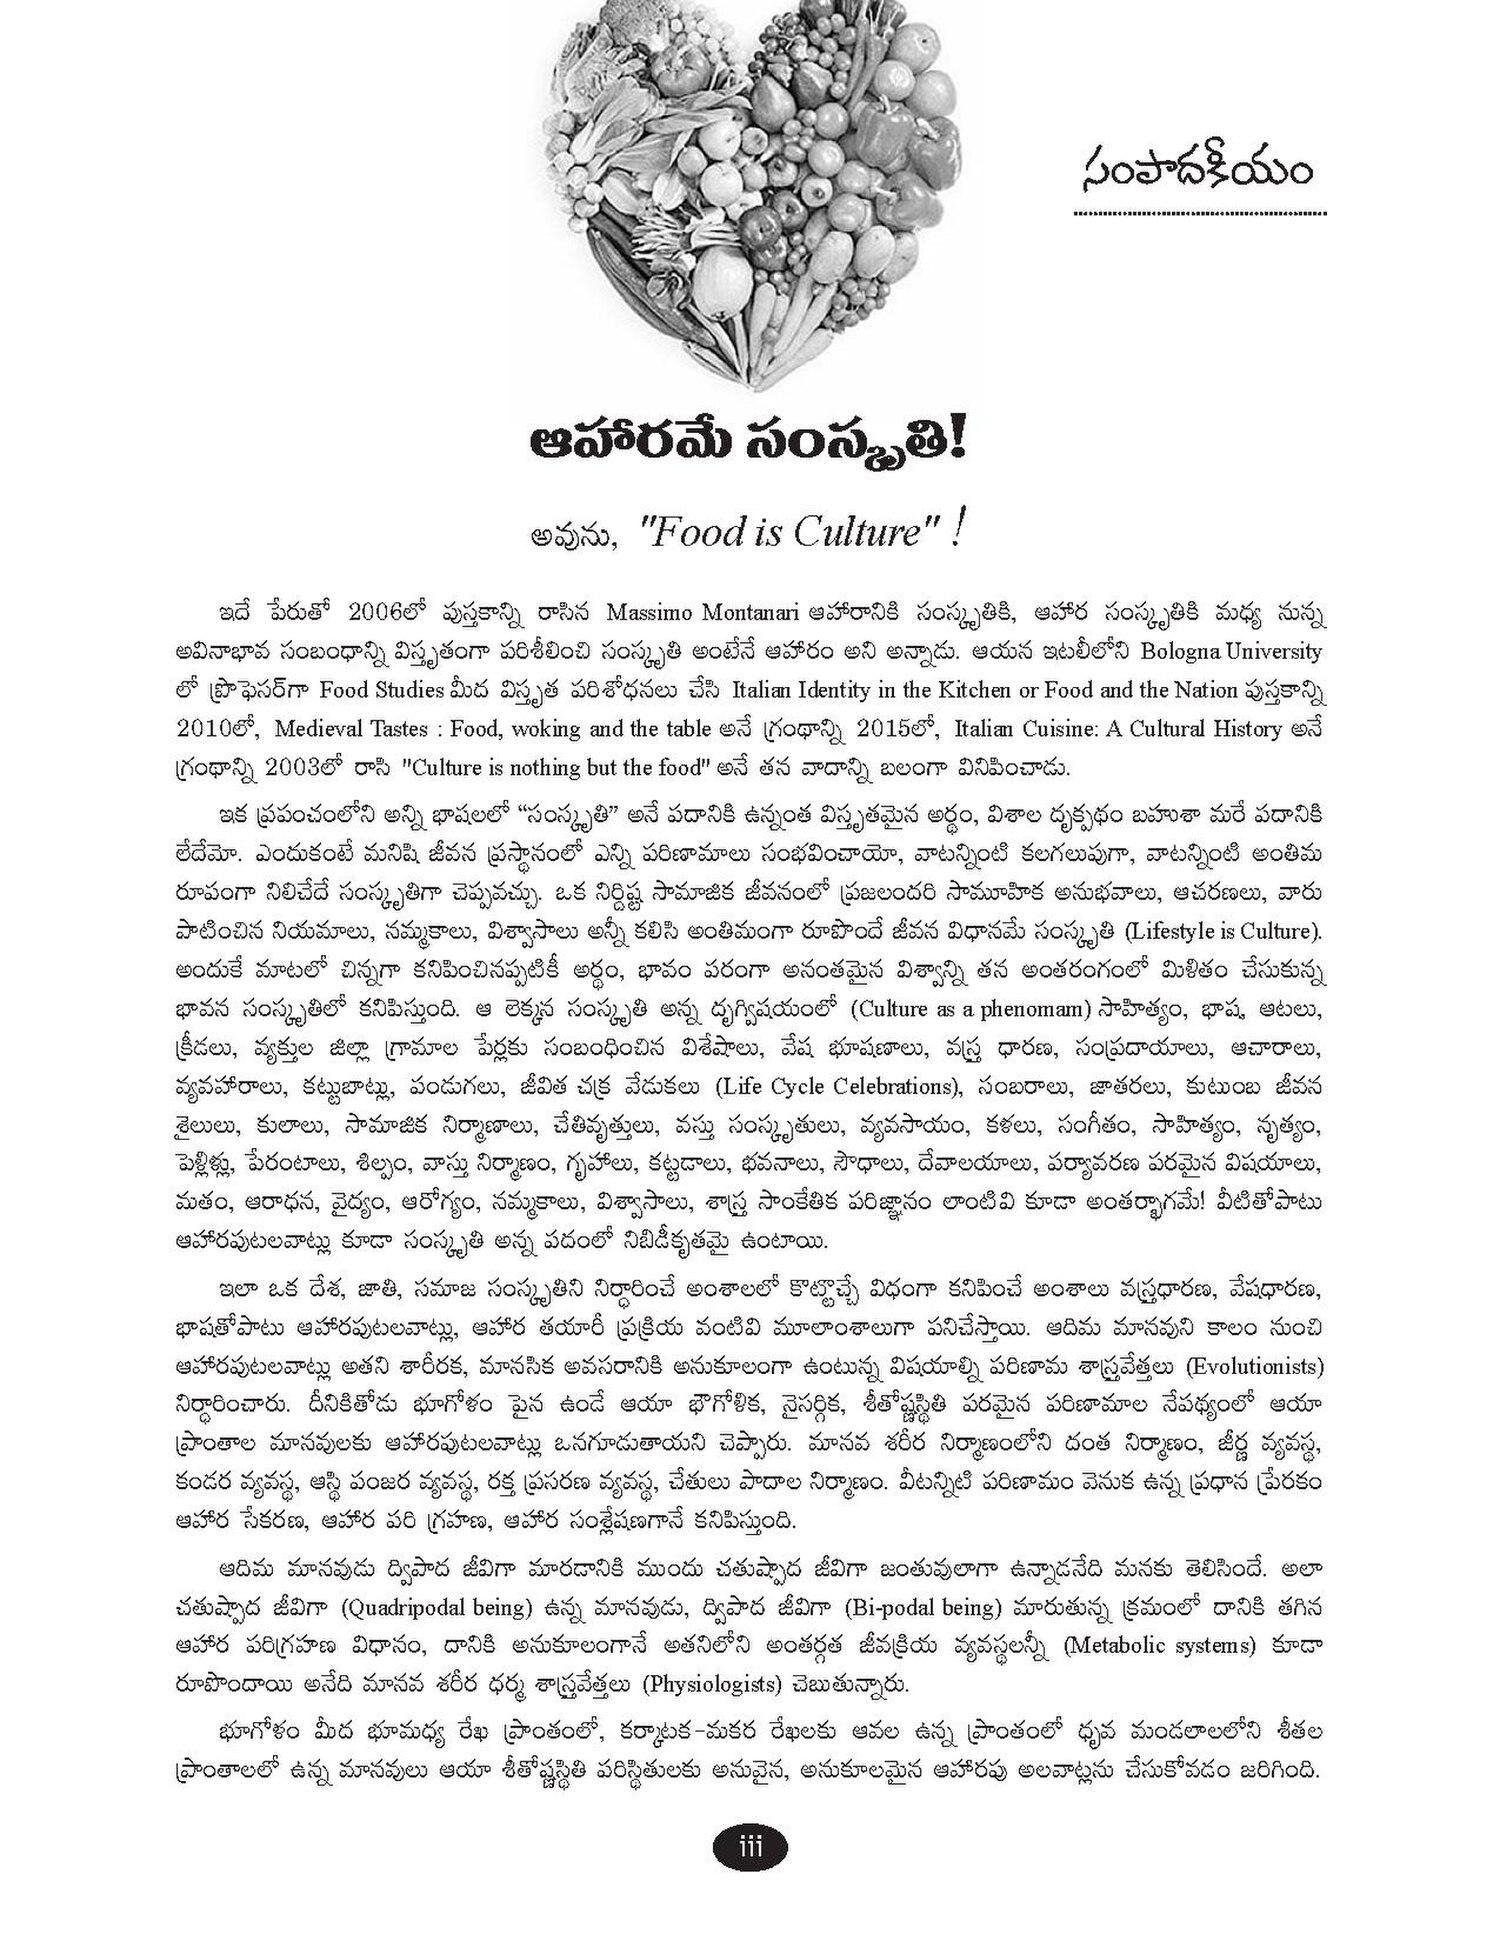ఇదే పేరుతో 2006లో పుస్తకాన్ని రాసిన Massimo Montanari ఆహారానికి సంస్కృతికి, ఆహార సంస్కృతికి మధ్య నున్న
అవినాభావ సంబంధాన్ని విస్తృతంగా పరిశీలించి సంస్కృతి అంటేనే ఆహారం అని అన్నాడు. ఆయన ఇటలీలోని Bologna University లో ప్రొఫెసర్గా Food Studies మీద విస్తృత పరిశోధనలు చేసి Italian Identity in the Kitchen or Food and the Nation పుస్తకాన్ని 2010లో, Medieval Tastes : Food, woking and the table అనే గ్రంథాన్ని 2015లో, Italian Cuisine: A Cultural History అనే గ్రంథాన్ని 2003లో రాసి "Culture is nothing but the food" అనే తన వాదాన్ని బలంగా వినిపించాడు.

ఇక ప్రపంచంలోని అన్ని భాషలలో “సంస్కృతి" అనే పదానికి ఉన్నంత విస్తృతమైన అర్థం, విశాల దృక్పథం బహుశా మరే పదానికి లేదేమో. ఎందుకంటే మనిషి జీవన ప్రస్థానంలో ఎన్ని పరిణామాలు సంభవించాయో, వాటన్నింటి కలగలుపుగా, వాటన్నింటి అంతిమ రూపంగా నిలిచేదే సంస్కృతిగా చెప్పవచ్చు. ఒక నిర్దిష్ట సామాజిక జీవనంలో ప్రజలందరి సామూహిక అనుభవాలు, ఆచరణలు, వారు పాటించిన నియమాలు, నమ్మకాలు, విశ్వాసాలు అన్నీ కలిసి అంతిమంగా రూపొందే జీవన విధానమే సంస్కృతి (Lifestyle is Culture). అందుకే మాటలో చిన్నగా కనిపించి నప్పటికీ అర్ధం, భావం పరంగా అనంతమైన విశ్వాన్ని తన అంతరంగంలో మిళితం చేసుకున్న భావన సంస్కృతిలో కనిపిస్తుంది. ఆ లెక్కన సంస్కృతి అన్న దృగ్విషయంలో (Culture as a phenomam) సాహిత్యం, భాష, ఆటలు,
క్రీడలు, వ్యక్తుల జిల్లా గ్రామాల పేర్లకు సంబంధించిన విశేషాలు, వేష భూషణాలు, వస్త్ర ధారణ, సంప్రదాయాలు, ఆచారాలు, వ్యవహారాలు, కట్టుబాట్లు, పండుగలు, జీవిత చక్ర వేడుకలు (Life Cycle Celebrations), సంబరాలు, జాతరలు, కుటుంబ జీవన శైలులు, కులాలు, సామాజిక నిర్మాణాలు, చేతివృత్తులు, వస్తు సంస్కృతులు, వ్యవసాయం, కళలు, సంగీతం, సాహిత్యం, నృత్యం, పెళ్లిళ్లు, పేరంటాలు, శిల్పం, వాస్తు నిర్మాణం, గృహాలు, కట్టడాలు,భవనాలు, సౌధాలు, దేవాలయాలు, పర్యావరణ పరమైన విషయాలు, మతం, ఆరాధన, వైద్యం, ఆరోగ్యం, నమ్మకాలు,విశ్వాసాలు, శాస్త్ర సాంకేతిక పరిజ్ఞానం లాంటివి కూడా అంతర్భాగమే! వీటితోపాటు ఆహారపుటలవాట్లు కూడా సంస్కృతి అన్న పదంలో నిబిడీకృతమై ఉంటాయి.

ఇలా ఒక దేశ, జాతి, సమాజ సంస్కృతిని నిర్ధారించే అంశాలలో కొట్టొచ్చే విధంగా కనిపించే అంశాలు వస్త్రధారణ, వేషధారణ, భాషతోపాటు ఆహారపుటలవాట్లు, ఆహార తయారీ ప్రక్రియ వంటివి మూలాంశాలుగా పనిచేస్తాయి. ఆదిమ మానవుని కాలం నుంచి ఆహారపుటలవాట్లు అతని శారీరక, మానసిక అవసరానికి అనుకూలంగా ఉంటున్న విషయాల్ని పరిణామ శాస్త్రవేత్తలు (Evolutionists) నిర్ధారించారు. దీనికితోడు భూగోళం పైన ఉండే ఆయా భౌగోళిక, నైసర్గిక, శీతోష్ణస్థితి పరమైన పరిణామాల నేపథ్యంలో ఆయా ప్రాంతాల మానవులకు ఆహారపుటలవాట్లు ఒనగూడుతాయని చెప్పారు. మానవ శరీర నిర్మాణంలోని దంత నిర్మాణం, జీర్ణ వ్యవస్థ, కండర వ్యవస్థ, ఆస్థి పంజర వ్యవస్థ, రక్త ప్రసరణ వ్యవస్థ, చేతులు పాదాల నిర్మాణం. వీటన్నిటి పరిణామం వెనుక ఉన్న ప్రధాన ప్రేరకం ఆహార సేకరణ, ఆహార పరి గ్రహణ, ఆహార సంశ్లేషణగానే కనిపిస్తుంది.

ఆదిమ మానవుడు ద్విపాద జీవిగా మారడానికి ముందు చతుష్పాద జీవిగా జంతువులాగా ఉన్నాడనేది మనకు తెలిసిందే. అలా చతుష్పాద జీవిగా (Quadripodal being) ఉన్న మానవుడు, ద్విపాద జీవిగా (Bi-podal being) మారుతున్న క్రమంలో దానికి తగిన ఆహార పరిగ్రహణ విధానం, దానికి అనుకూలంగానే అతనిలోని అంతర్గత జీవక్రియ వ్యవస్థలన్నీ (Metabolic systems) కూడా రూపొందాయి అనేది మానవ శరీర ధర్మ శాస్త్రవేత్తలు (Physiologists) చెబుతున్నారు.

భూగోళం మీద భూమధ్య రేఖ ప్రాంతంలో, కర్కాటక మకర రేఖలకు ఆవల ఉన్న ప్రాంతంలో ధృవ మండలాలలోని శీతల ప్రాంతాలలో ఉన్న మానవులు ఆయా శీతోష్ణస్థితి పరిస్థితులకు అనువైన, అనుకూలమైన ఆహారపు అలవాట్లను చేసుకోవడం జరిగింది.